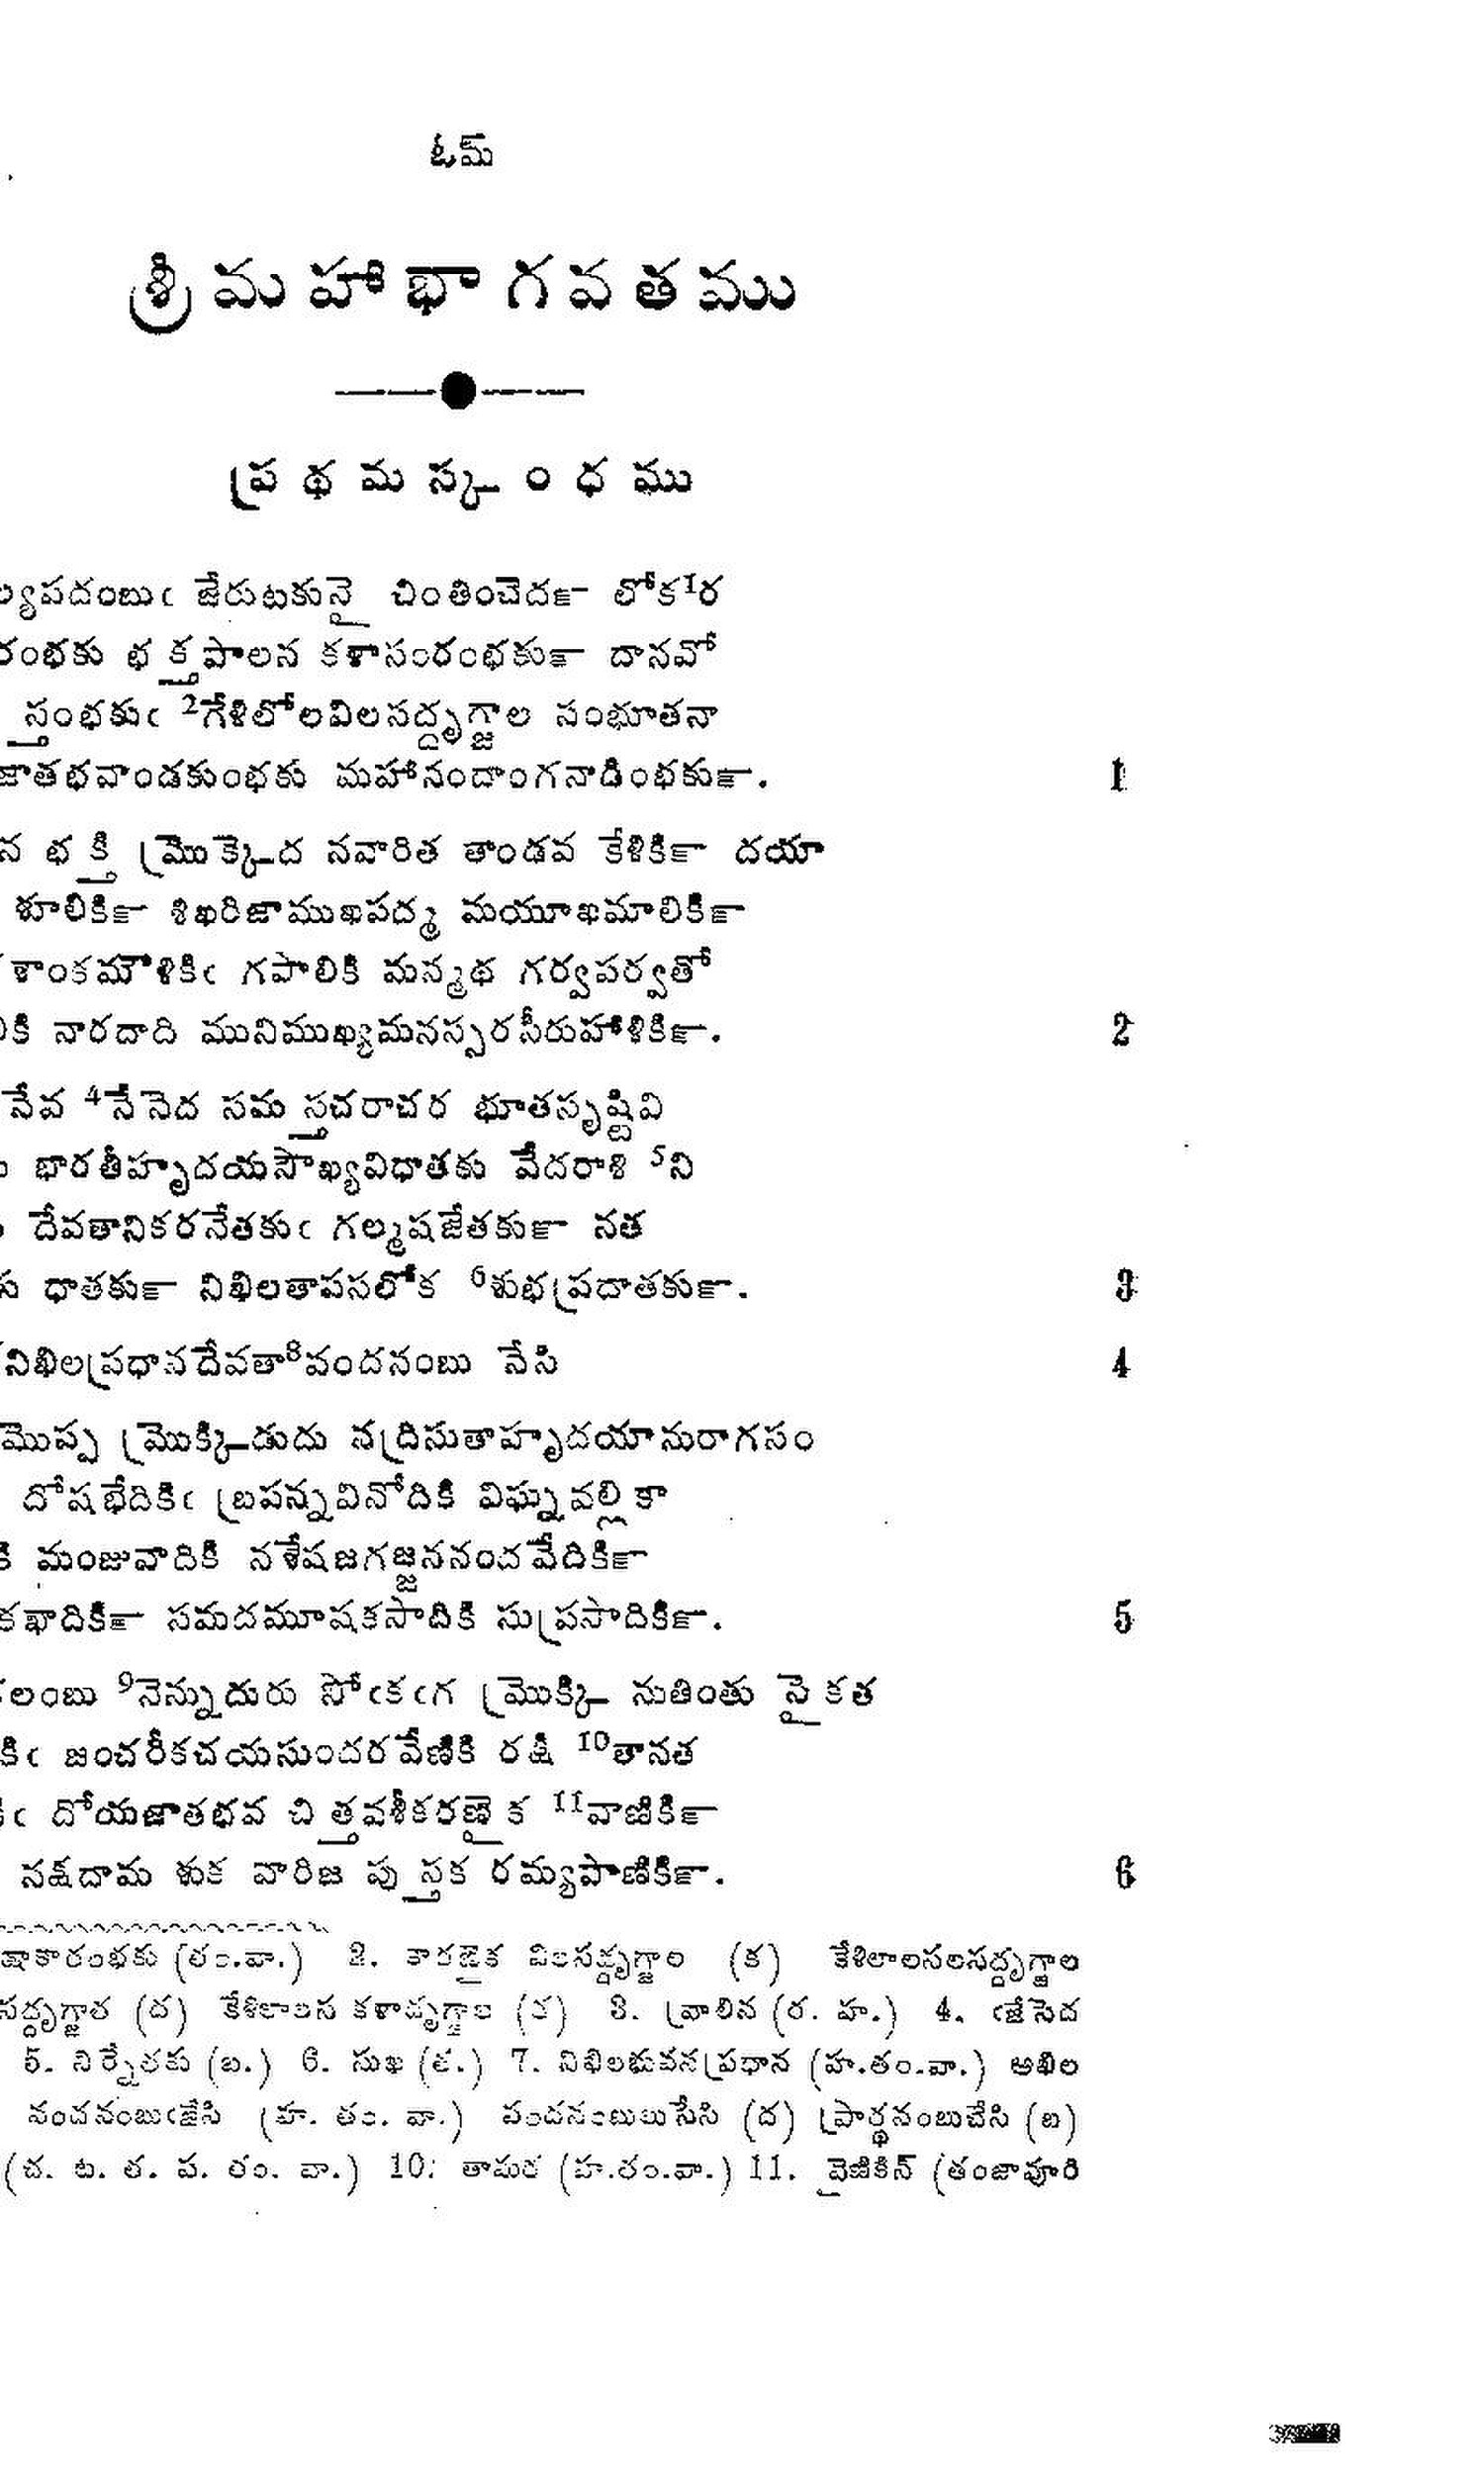శా. శ్రీకైవల్యపదంబుఁ జేరుటకునై చింతించెదన్ లోక ర

క్షైకారంభకు భక్తపాలనకళాసంరంభకున్ దానవో

ద్రేక స్తంభకుఁ గేళివిలసద్ దృగ్జాల సంభూత నా

నా కంజాత భవాండ కుంభకు మహానందాంగనా డింభకున్.(1-1)

2. శివస్తుతి :

ఉ. వాలిన భక్తి మ్రొక్కెద నవారిత తాండవ కేళికిన్ దయా

శాలికి శూలికిన్ శిఖరిజా ముఖపద్మ మయూఖమాలికిన్

బాల శశాంకమౌళికిఁ గపాలికి మన్మథ గర్వ పర్వతో

న్మూలికి నారదాది మునిముఖ్య మనస్ సరసీరుహాళికిన్.(1-2)

3. బ్రహ్మస్తుతి

ఉ. ఆతత సేవ సేసెద సమస్త చరాచర భూతసృష్టి వి

జ్ఞాతకు భారతీహృదయ సౌఖ్యవిధాతకు వేదరాశి ని

ర్ణేతకు దేవతానికర నేతకుఁ గల్మష జేతకున్ నత

త్రాతకు ధాతకున్ నిఖిల తాపసలోక శుభప్రదాతకున్.(1-3)

వ. అని నిఖిల ప్రధానదేవతా వందనంబు సేసి,(1-4)

4. విఘ్నేశ్వరస్తుతి :

ఉ. ఆదరమొప్ప మ్రొక్కిడుదు నద్రిసుతా హృదయానురాగ సం

పాదికి దోషభేదికిఁ బ్రపన్నవినోదికి విఘ్నవల్లికా

చ్ఛేదికి మంజువాదికి నశేష జగజ్జన నందవేదికిన్

మోదక ఖాదికిన్ సమద మూషకసాదికి సుప్రసాదికిన్.(1-5)

5. సరస్వతీస్తుతి :

ఉ. క్షోణితలంబు నెన్నుదురు సోఁకగ మ్రొక్కి నుతింతు సైకత

శ్రోణికిఁ జంచరీక చయ సుందరవేణికి రక్షితానత

శ్రేణికిఁ దోయజాతభవ చిత్తవశీకరణైక వాణికిన్

వాణికి నక్షదామ శుక వారిజపాణికి రమ్యపాణికిన్.(1-6)